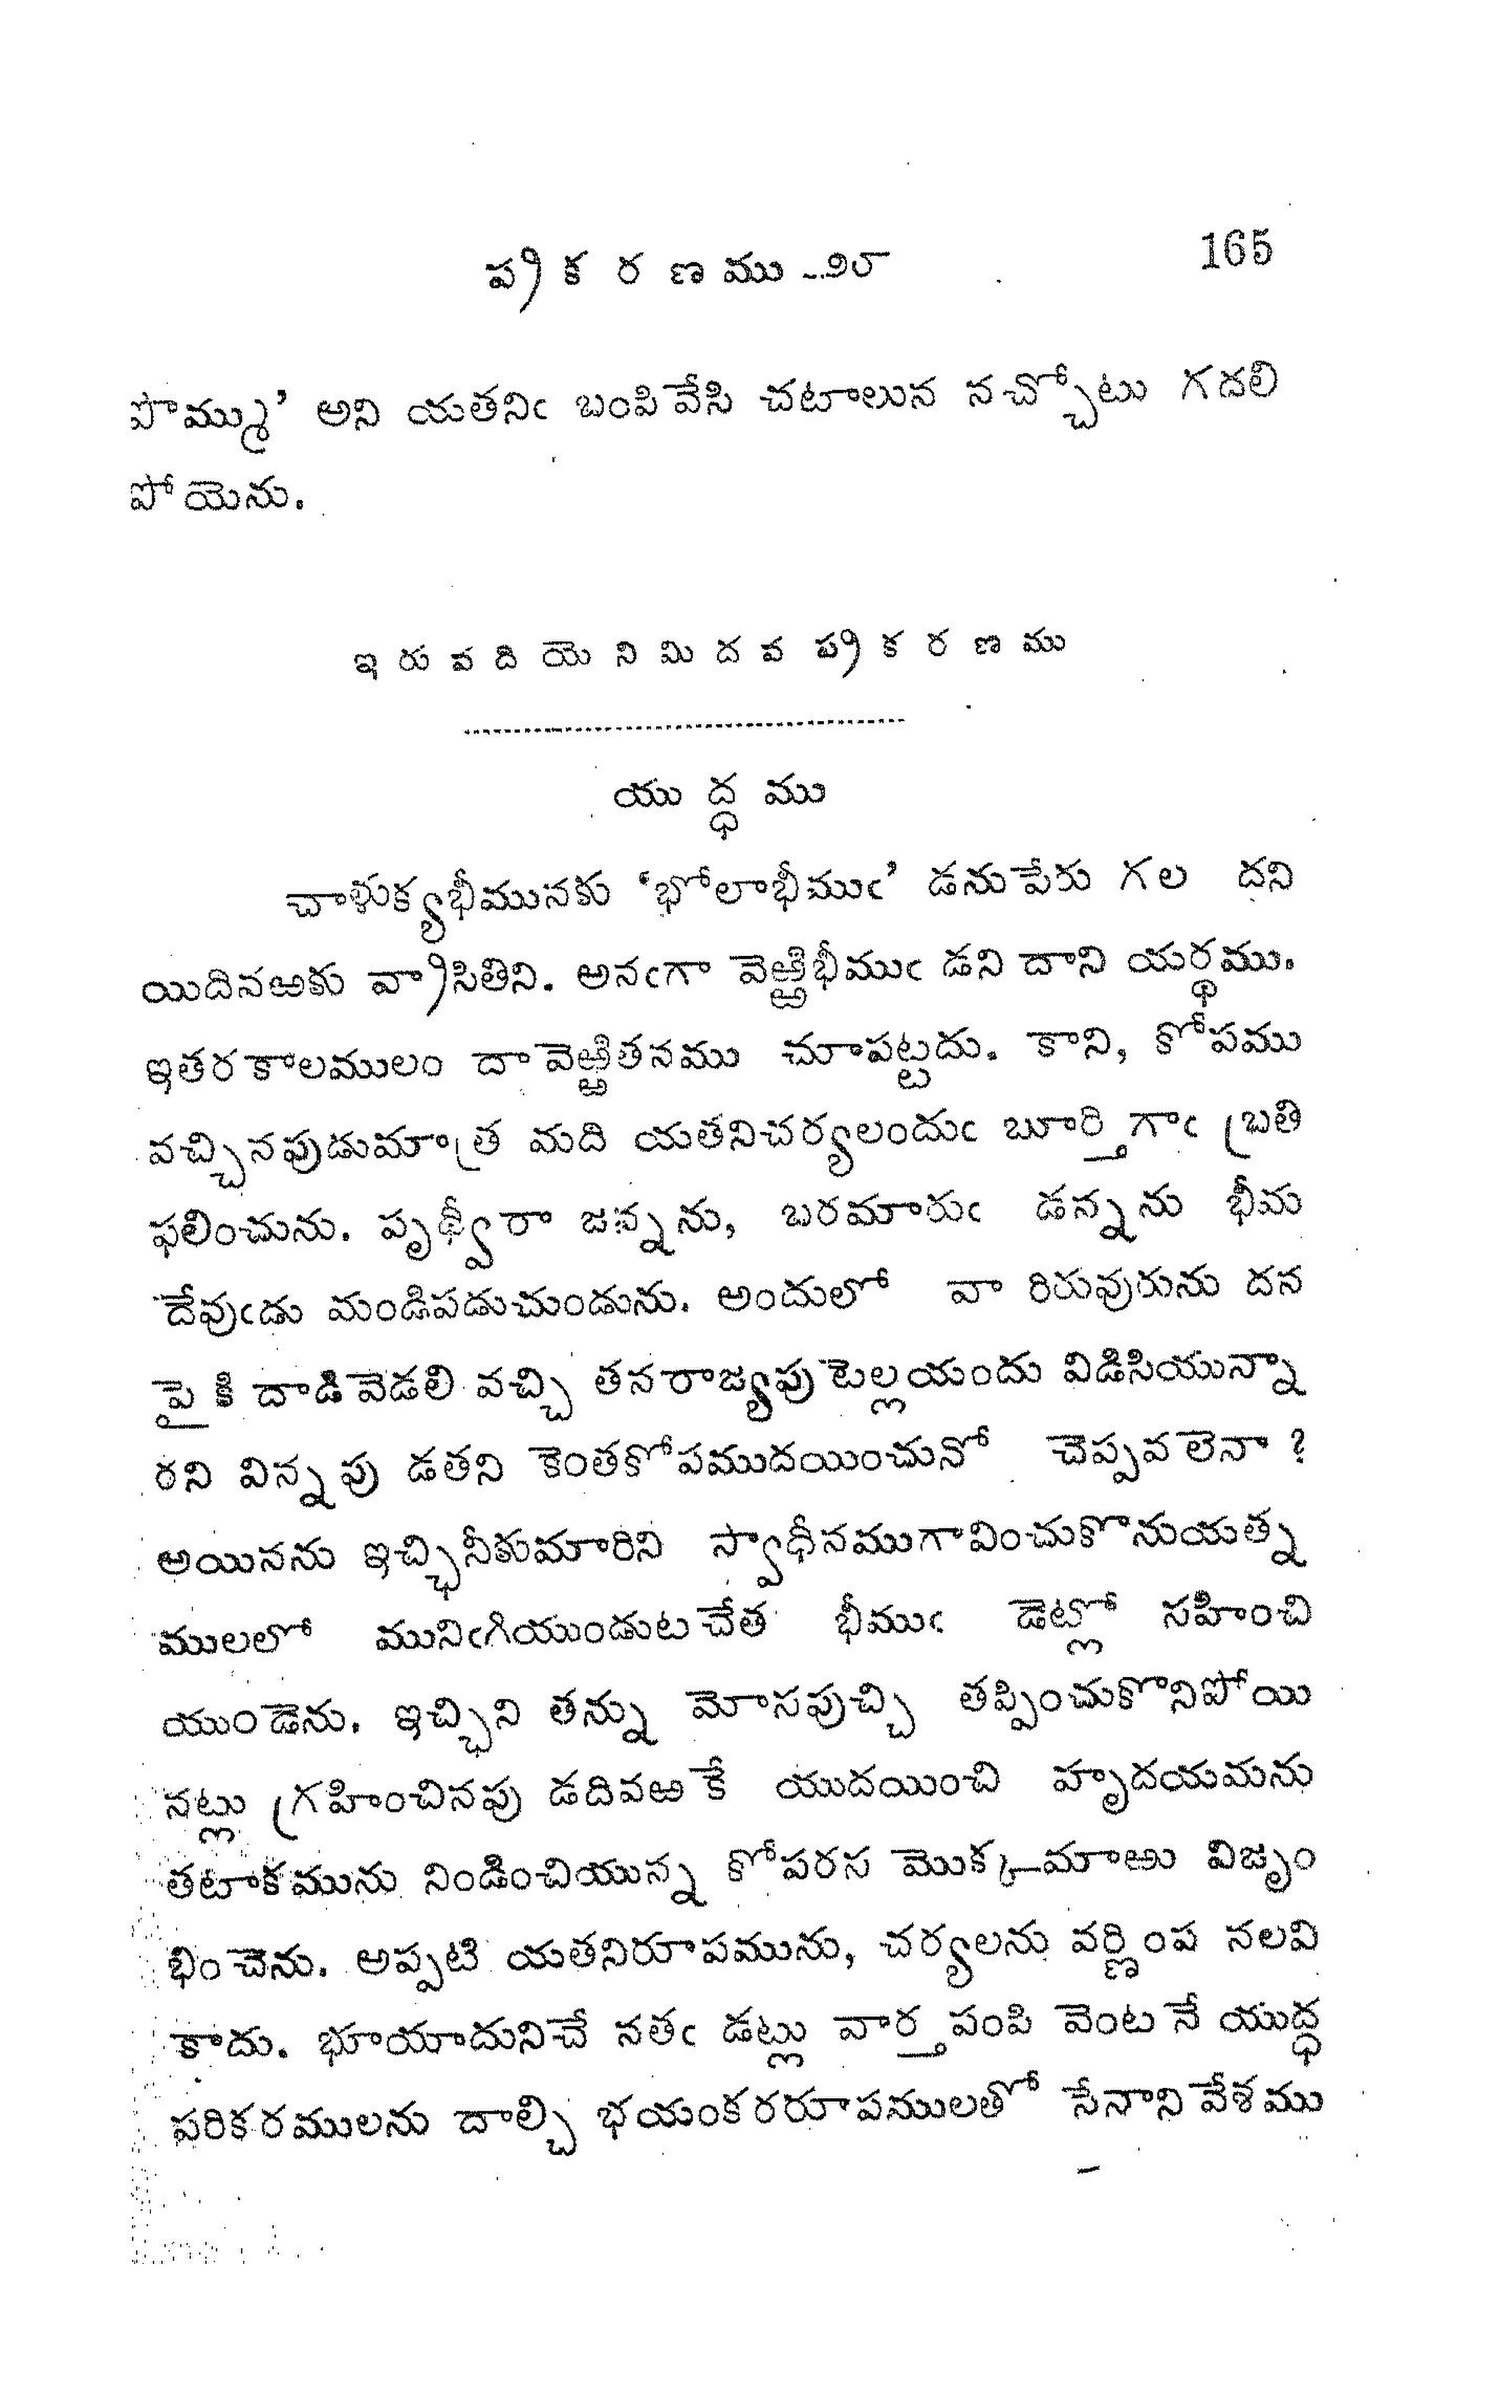పొమ్ము' అని యతనిఁ బంపి వేసి చటాలున నచ్చోటు గదలి
పోయెను.

చాళుక్య భీమునకు 'భోలా భీముఁ డను పేరు గల దని
యిదినఱకు వ్రాసితిని. అనఁగా వెర్రి భీముఁ డని దాని యర్థము,
ఇతర కాలములం దావెర్రితనము చూపట్టదు. కాని,
కోపము
వచ్చినపుడు మాత్ర మది యతనిచర్యలందుఁ బూర్తి గాఁ బ్రతి
ఫలించును. పృథ్వీరా జన్నను, బరమారుఁ డన్నను భీమ
'దేవుఁడు మండిపడుచుండును. అందులో వా రిరువురును దన
పై కి దాడి వెడలి వచ్చి తన రాజ్యపు టెల్లయందు విడిసియున్నా
రని విన్నపు డతని కెంతకోపముదయించునో చెప్పవలెనా ?
అయినను ఇచ్ఛినీకుమారిని స్వాధీనము గావించుకొను యత్న
ములలో మునిఁగియుండుట చేత భీముఁడెట్లో సహించి
యుండెను. ఇచ్చిని తన్ను మోసపుచ్చి తప్పించుకొనిపోయి
నట్లు గ్రహించినపు డదివఱకే యుదయించి హృదయమను
తటాకమును నిండించియున్న కోపరస మొక్కమాఱు విజృం
భించెను. అప్పటి యతనిరూపమును, చర్యలను వర్ణింప నలవి
కాదు. భూయాదునిచే నతఁ డట్లు వార్త పంపి వెంట నే యుద్ధ
పరికరములను దాల్చి భయంకర రూపములతో సేనాని వేశము